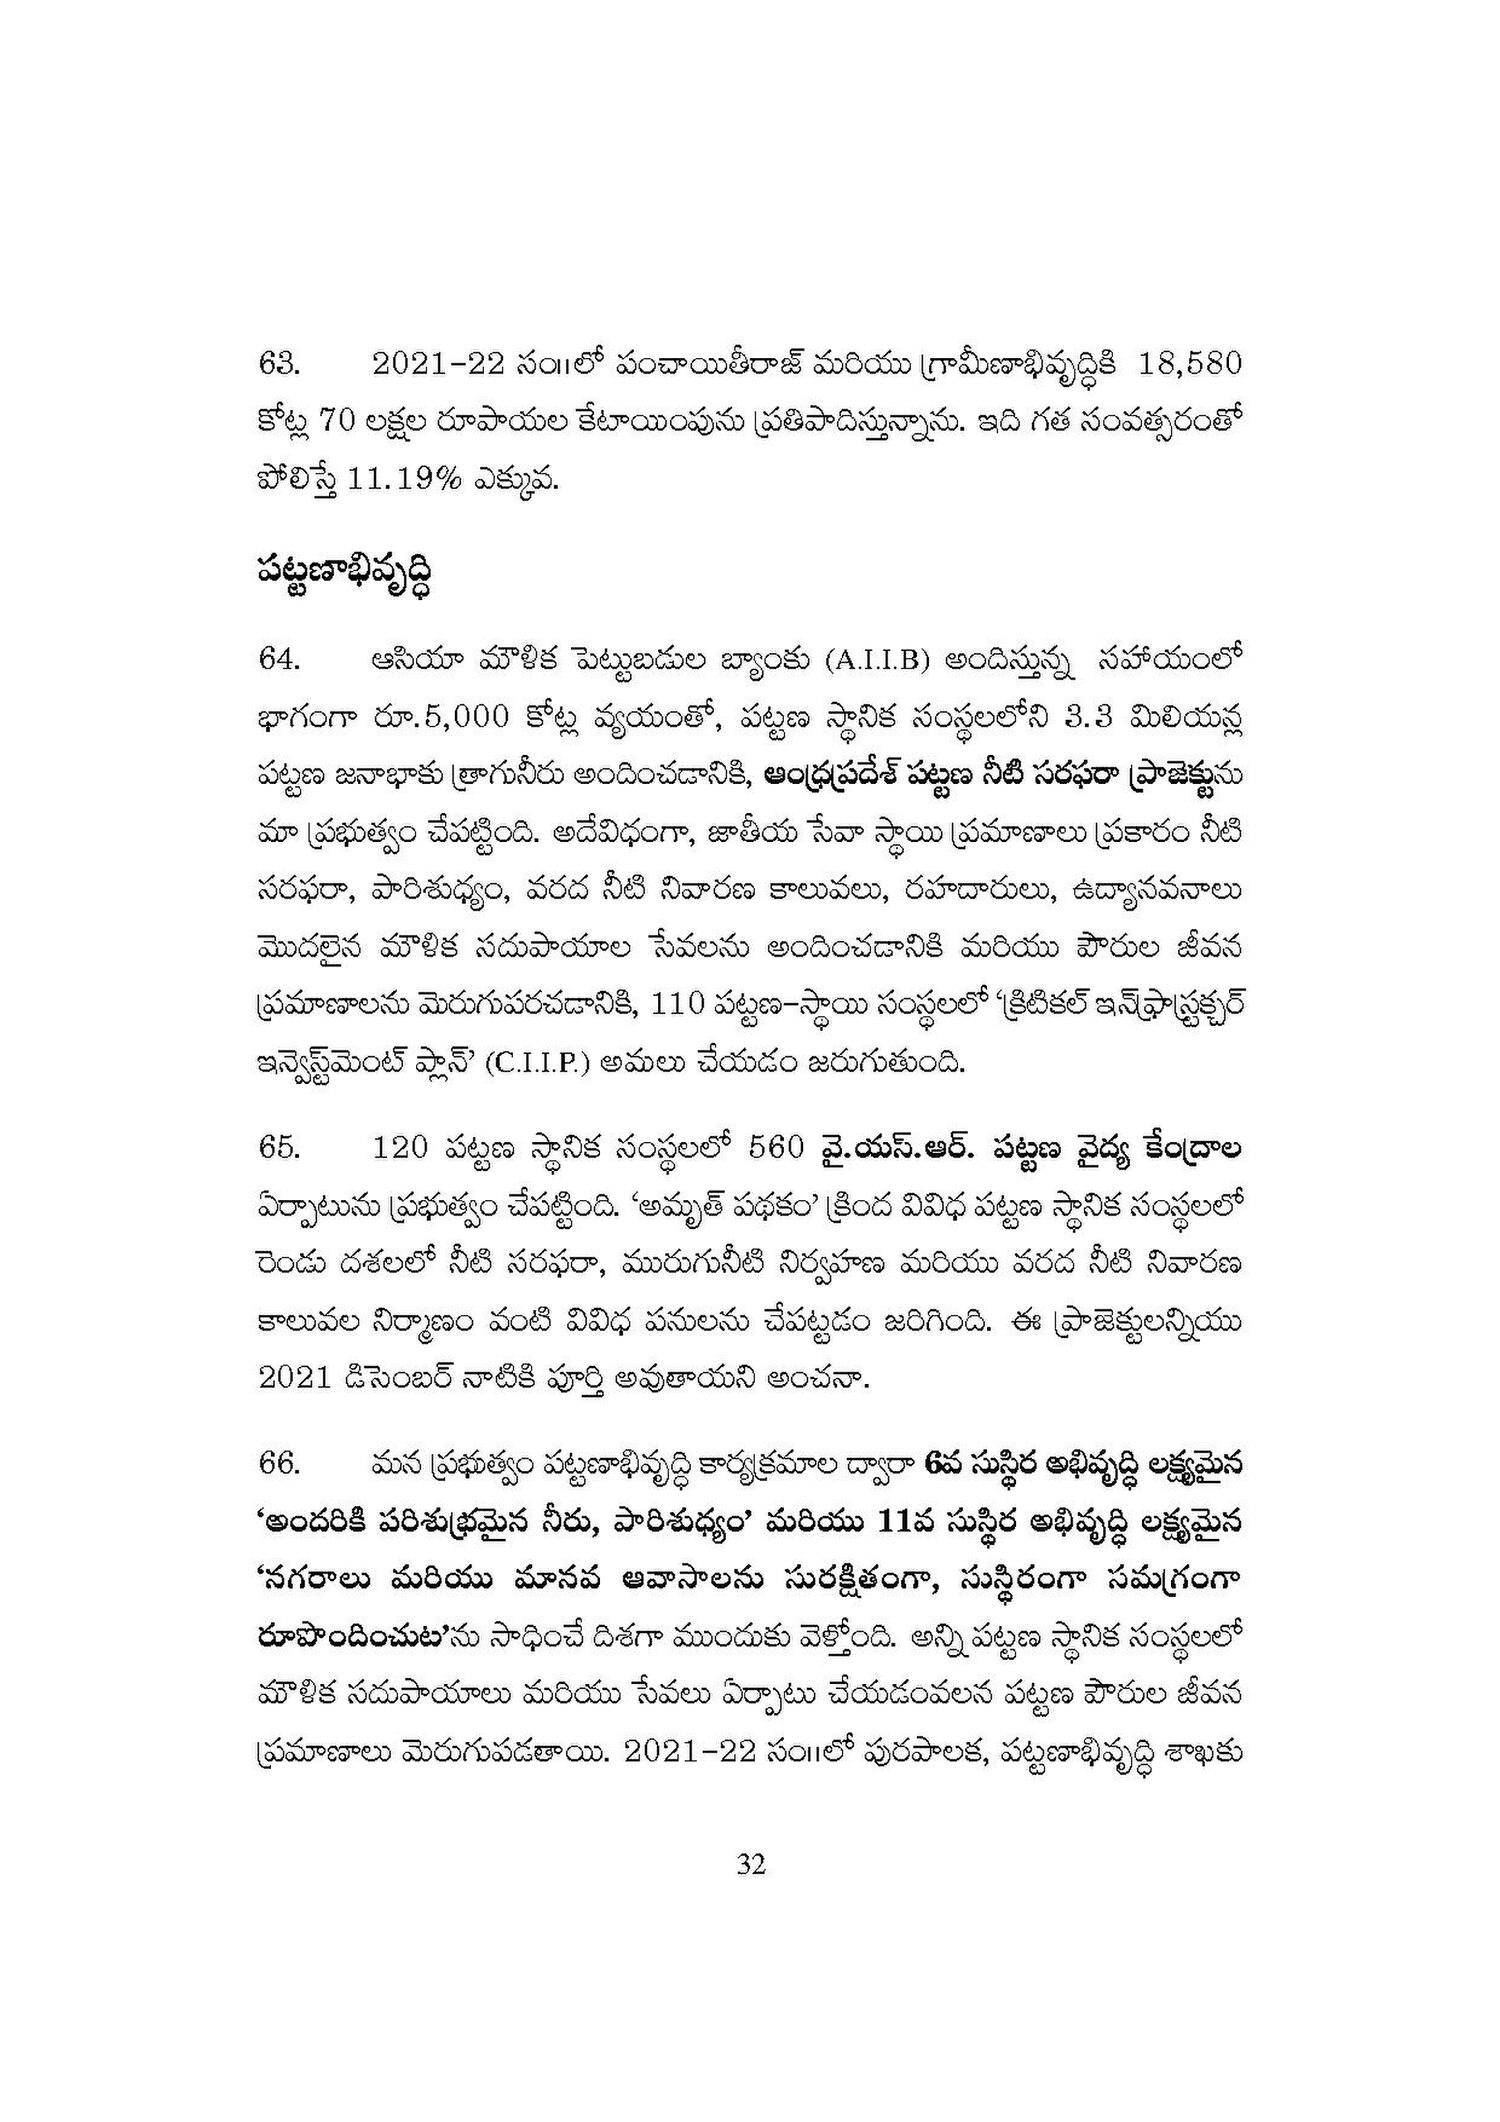63. 2021-22 సం॥లో పంచాయితీరాజ్ మరియు గ్రామీణాభివృద్ధికి 18,580
కోట్ల 70 లక్షల రూపాయల కేటాయింపును ప్రతిపాదిస్తున్నాను. ఇది గత సంవత్సరంతో
పోలిస్తే 11. 19% ఎక్కువ.

పట్టణాభివృద్ధి

64. ఆసియా మౌళిక పెట్టుబడుల బ్యాంకు (A.I.I.B) అందిస్తున్న సహాయంలో
భాగంగా రూ. 5,000 కోట్ల వ్యయంతో, పట్టణ స్థానిక సంస్థలలోని 3.3 మిలియన్ల
పట్టణ జనాభాకు త్రాగునీరు అందించడానికి, ఆంధ్రప్రదేశ్ పట్టణ నీటి సరఫరా ప్రాజెక్టును
మా ప్రభుత్వం చేపట్టింది. అదేవిధంగా, జాతీయ సేవా స్థాయి ప్రమాణాలు ప్రకారం నీటి
సరఫరా, పారిశుధ్యం, వరద నీటి నివారణ కాలువలు, రహదారులు, ఉద్యానవనాలు
మొదలైన మౌళిక సదుపాయాల సేవలను అందించడానికి మరియు పౌరుల జీవన
ప్రమాణాలను మెరుగుపరచడానికి, 110 పట్టణ-స్థాయి సంస్థలలో 'క్రిటికల్ ఇన్‌ఫ్రాస్ట్రక్చర్
ఇన్వెస్ట్మెంట్ ప్లాన్' (C.I.I.P.) అమలు చేయడం జరుగుతుంది.

65. 120 పట్టణ స్థానిక సంస్థలలో 560 వై.యస్.ఆర్. పట్టణ వైద్య కేంద్రాల
ఏర్పాటును ప్రభుత్వం చేపట్టింది. 'అమృత్ పథకం' క్రింద వివిధ పట్టణ స్థానిక సంస్థలలో
రెండు దశలలో నీటి సరఫరా, మురుగునీటి నిర్వహణ మరియు వరద నీటి నివారణ
కాలువల నిర్మాణం వంటి వివిధ పనులను చేపట్టడం జరిగింది. ఈ ప్రాజెక్టులన్నియు
2021 డిసెంబర్ నాటికి పూర్తి అవుతాయని అంచనా.

66. మన ప్రభుత్వం పట్టణాభివృద్ధి కార్యక్రమాల ద్వారా 6వ సుస్థిర అభివృద్ధి లక్ష్యమైన 'అందరికి పరిశుభ్రమైన నీరు, పారిశుధ్యం' మరియు 11వ సుస్థిర అభివృద్ధి లక్ష్యమైన 'నగరాలు మరియు మానవ ఆవాసాలను సురక్షితంగా, సుస్థిరంగా సమగ్రంగా రూపొందించుట'ను సాధించే దిశగా ముందుకు వెళ్తోంది. అన్ని పట్టణ స్థానిక సంస్థలలో
మౌళిక సదుపాయాలు మరియు సేవలు ఏర్పాటు చేయడంవలన పట్టణ పౌరుల జీవన
ప్రమాణాలు మెరుగుపడతాయి. 2021-22 సం॥లో పురపాలక, పట్టణాభివృద్ధి శాఖకు